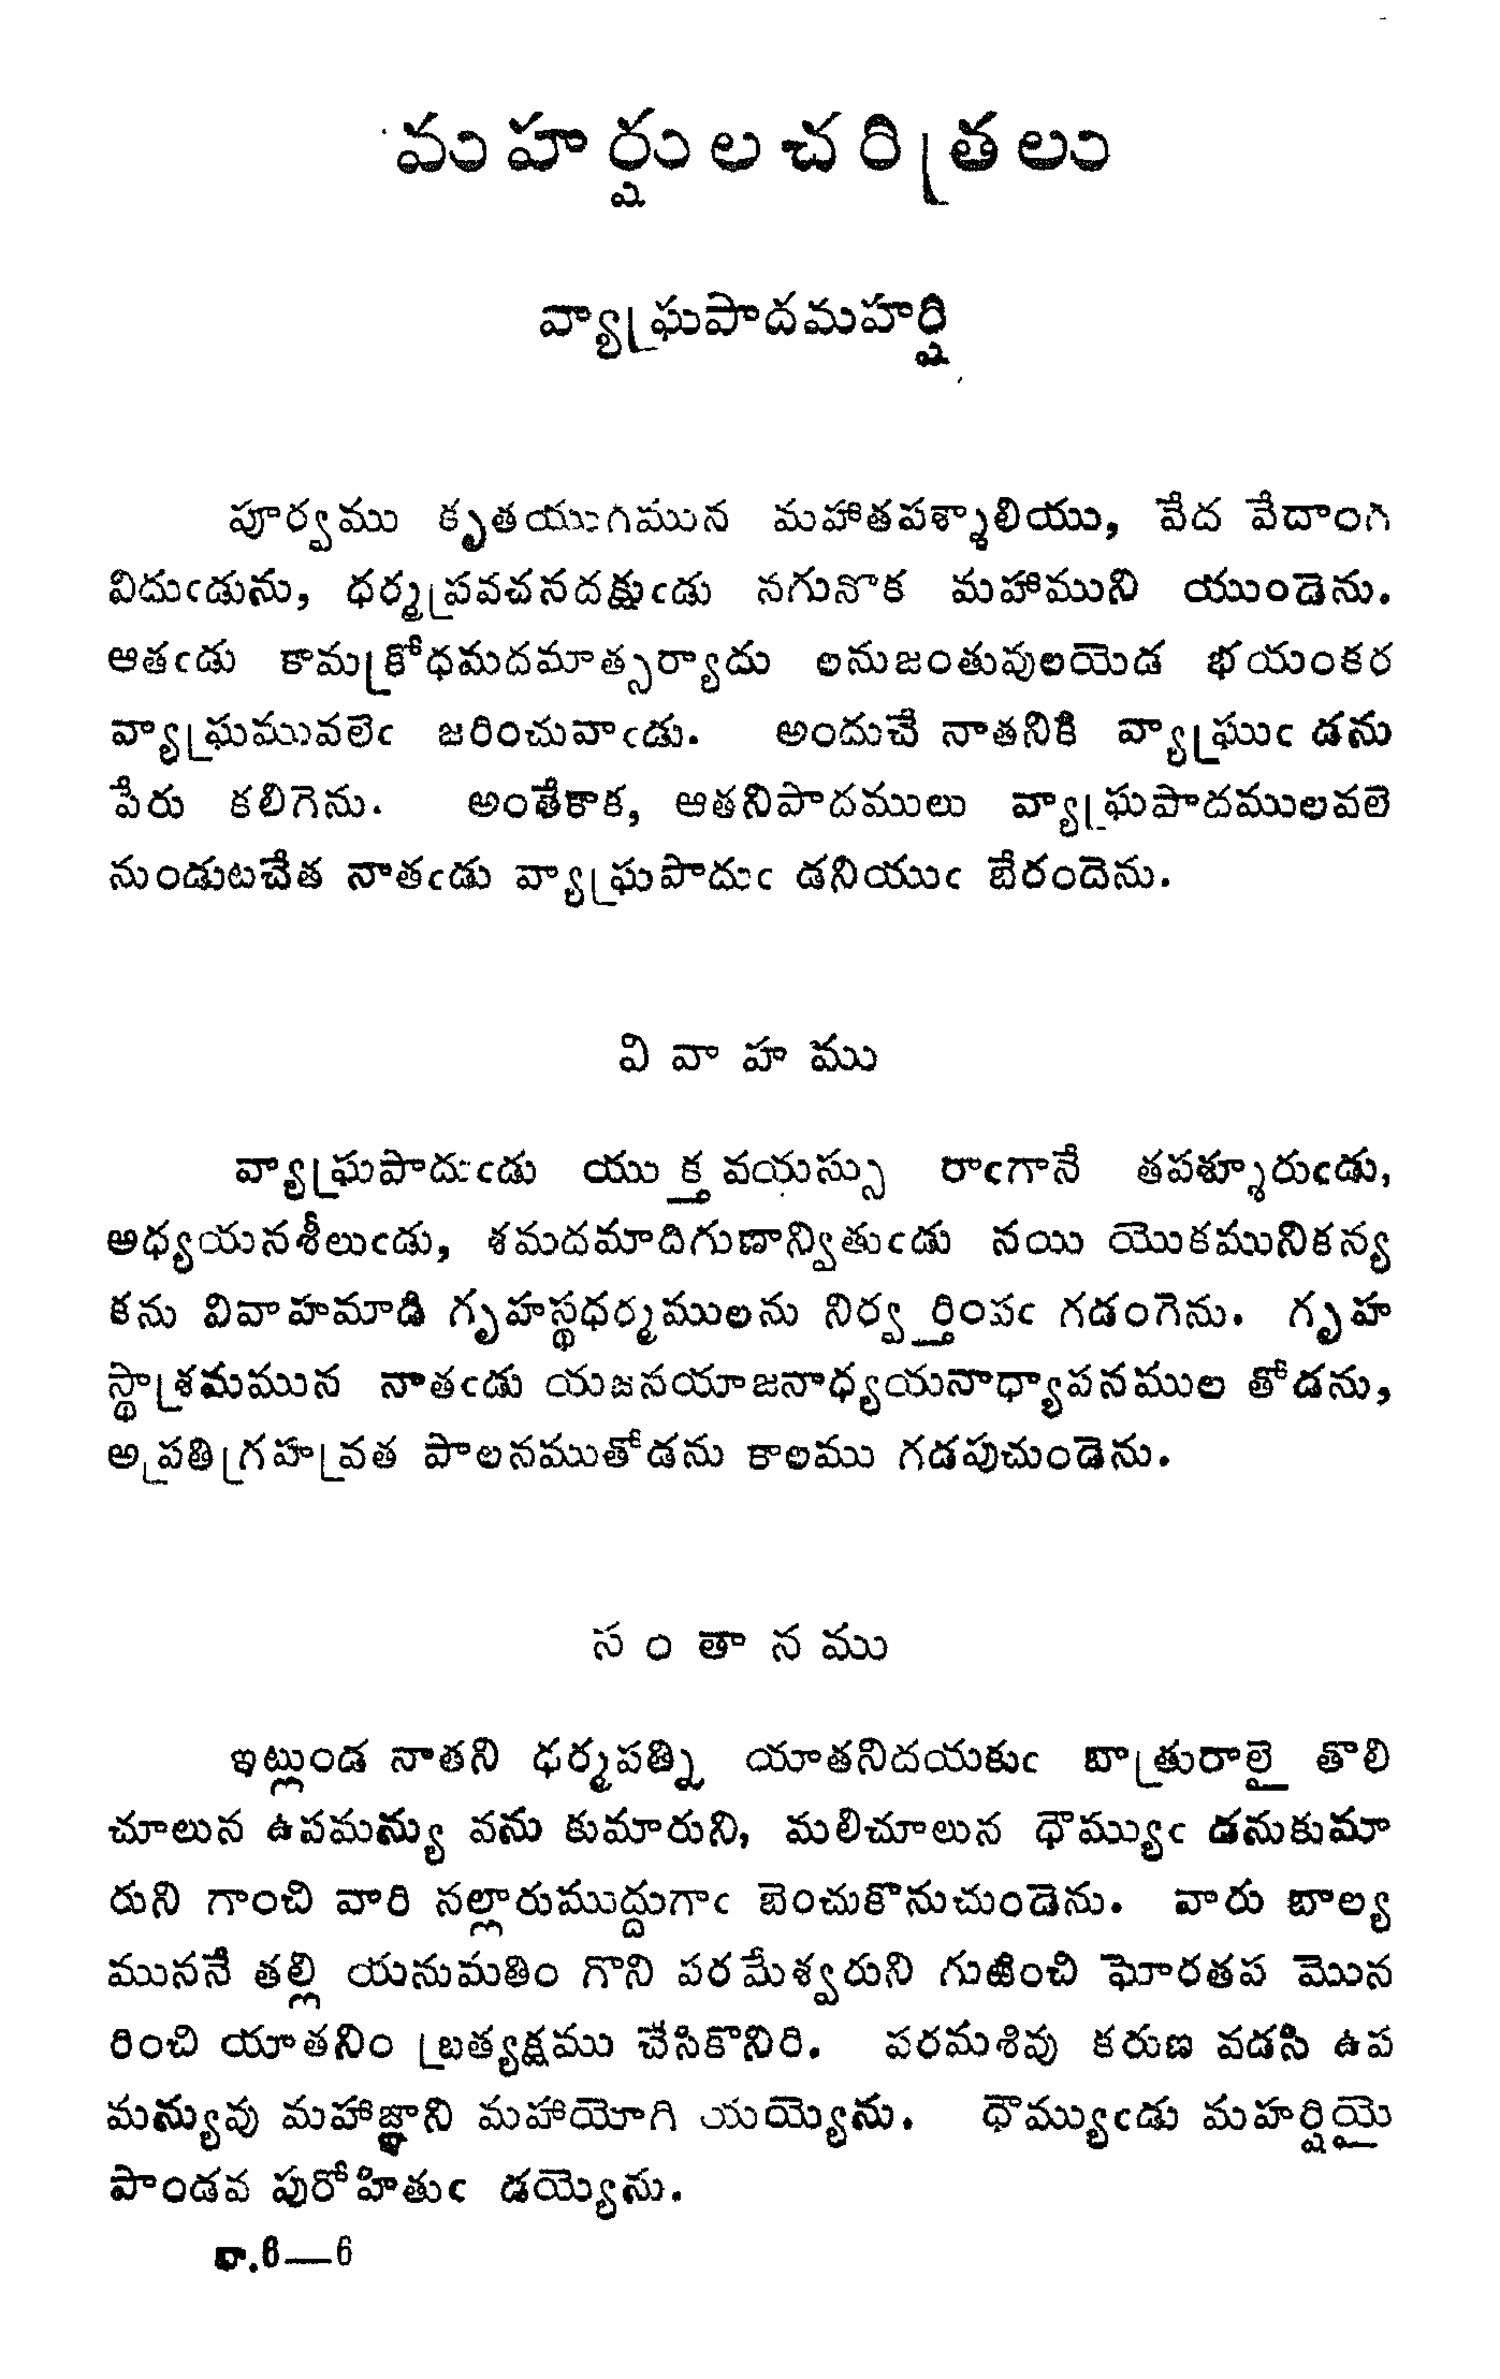మహర్షుల చరిత్రలు

వ్యాఘ్రపాదమహర్షి

పూర్వము కృతయుగమున మహాతపశ్శాలియు, వేద వేదాంగి విదుఁడును, ధర్మప్రవచనదక్షుఁడు నగునొక మహాముని యుండెను. ఆతఁడు కామక్రోధమదమాత్సర్యాదు లనుజంతువులయెడ భయంకర వ్యాఘ్రమువలెఁ జరించువాఁడు. అందుచే నాతనికి వ్యాఘ్రుఁ డను పేరు కలిగెను. అంతేకాక, ఆతనిపాదములు వ్యాఘ్రపాదములవలె నుండుటచేత నాతఁడు వ్యాఘ్రపాదుఁ డనియుఁ బేరందెను.

వివాహము

వ్యాఘ్రపాదుఁడు యుక్తవయస్సు రాఁగానే తపశ్శూరుఁడు, అధ్యయనశీలుఁడు, శమదమాదిగుణాన్వితుఁడు నయి యొకమునికన్యకను వివాహమాడి గృహస్థధర్మములను నిర్వర్తింపఁ గడంగెను. గృహస్థాశ్రమమున నాతఁడు యజనయాజనాధ్యయనాధ్యావనముల తోడను, అప్రతిగ్రహవ్రత పాలనముతోడను కాలము గడపుచుండెను.

సంతానము

ఇట్లుండ నాతని ధర్మపత్ని యాతనిదయకుఁ బాత్రురాలై తొలి చూలున ఉపమన్యు వను కుమారుని, మలిచూలున ధౌమ్యుఁ డనుకుమారుని గాంచి వారి నల్లారుముద్దుగాఁ బెంచుకొనుచుండెను. వారు బాల్యముననే తల్లి యనుమతిం గొని పరమేశ్వరుని గుఱించి ఘోరతప మొనరించి యాతనిం బ్రత్యక్షము చేసికొనిరి. పరమశివు కరుణ వడసి ఉపమన్యువు మహాజ్ఞాని మహాయోగి యయ్యెను. ధౌమ్యుఁడు మహర్షియై పాండవ పురోహితుఁ డయ్యెను.